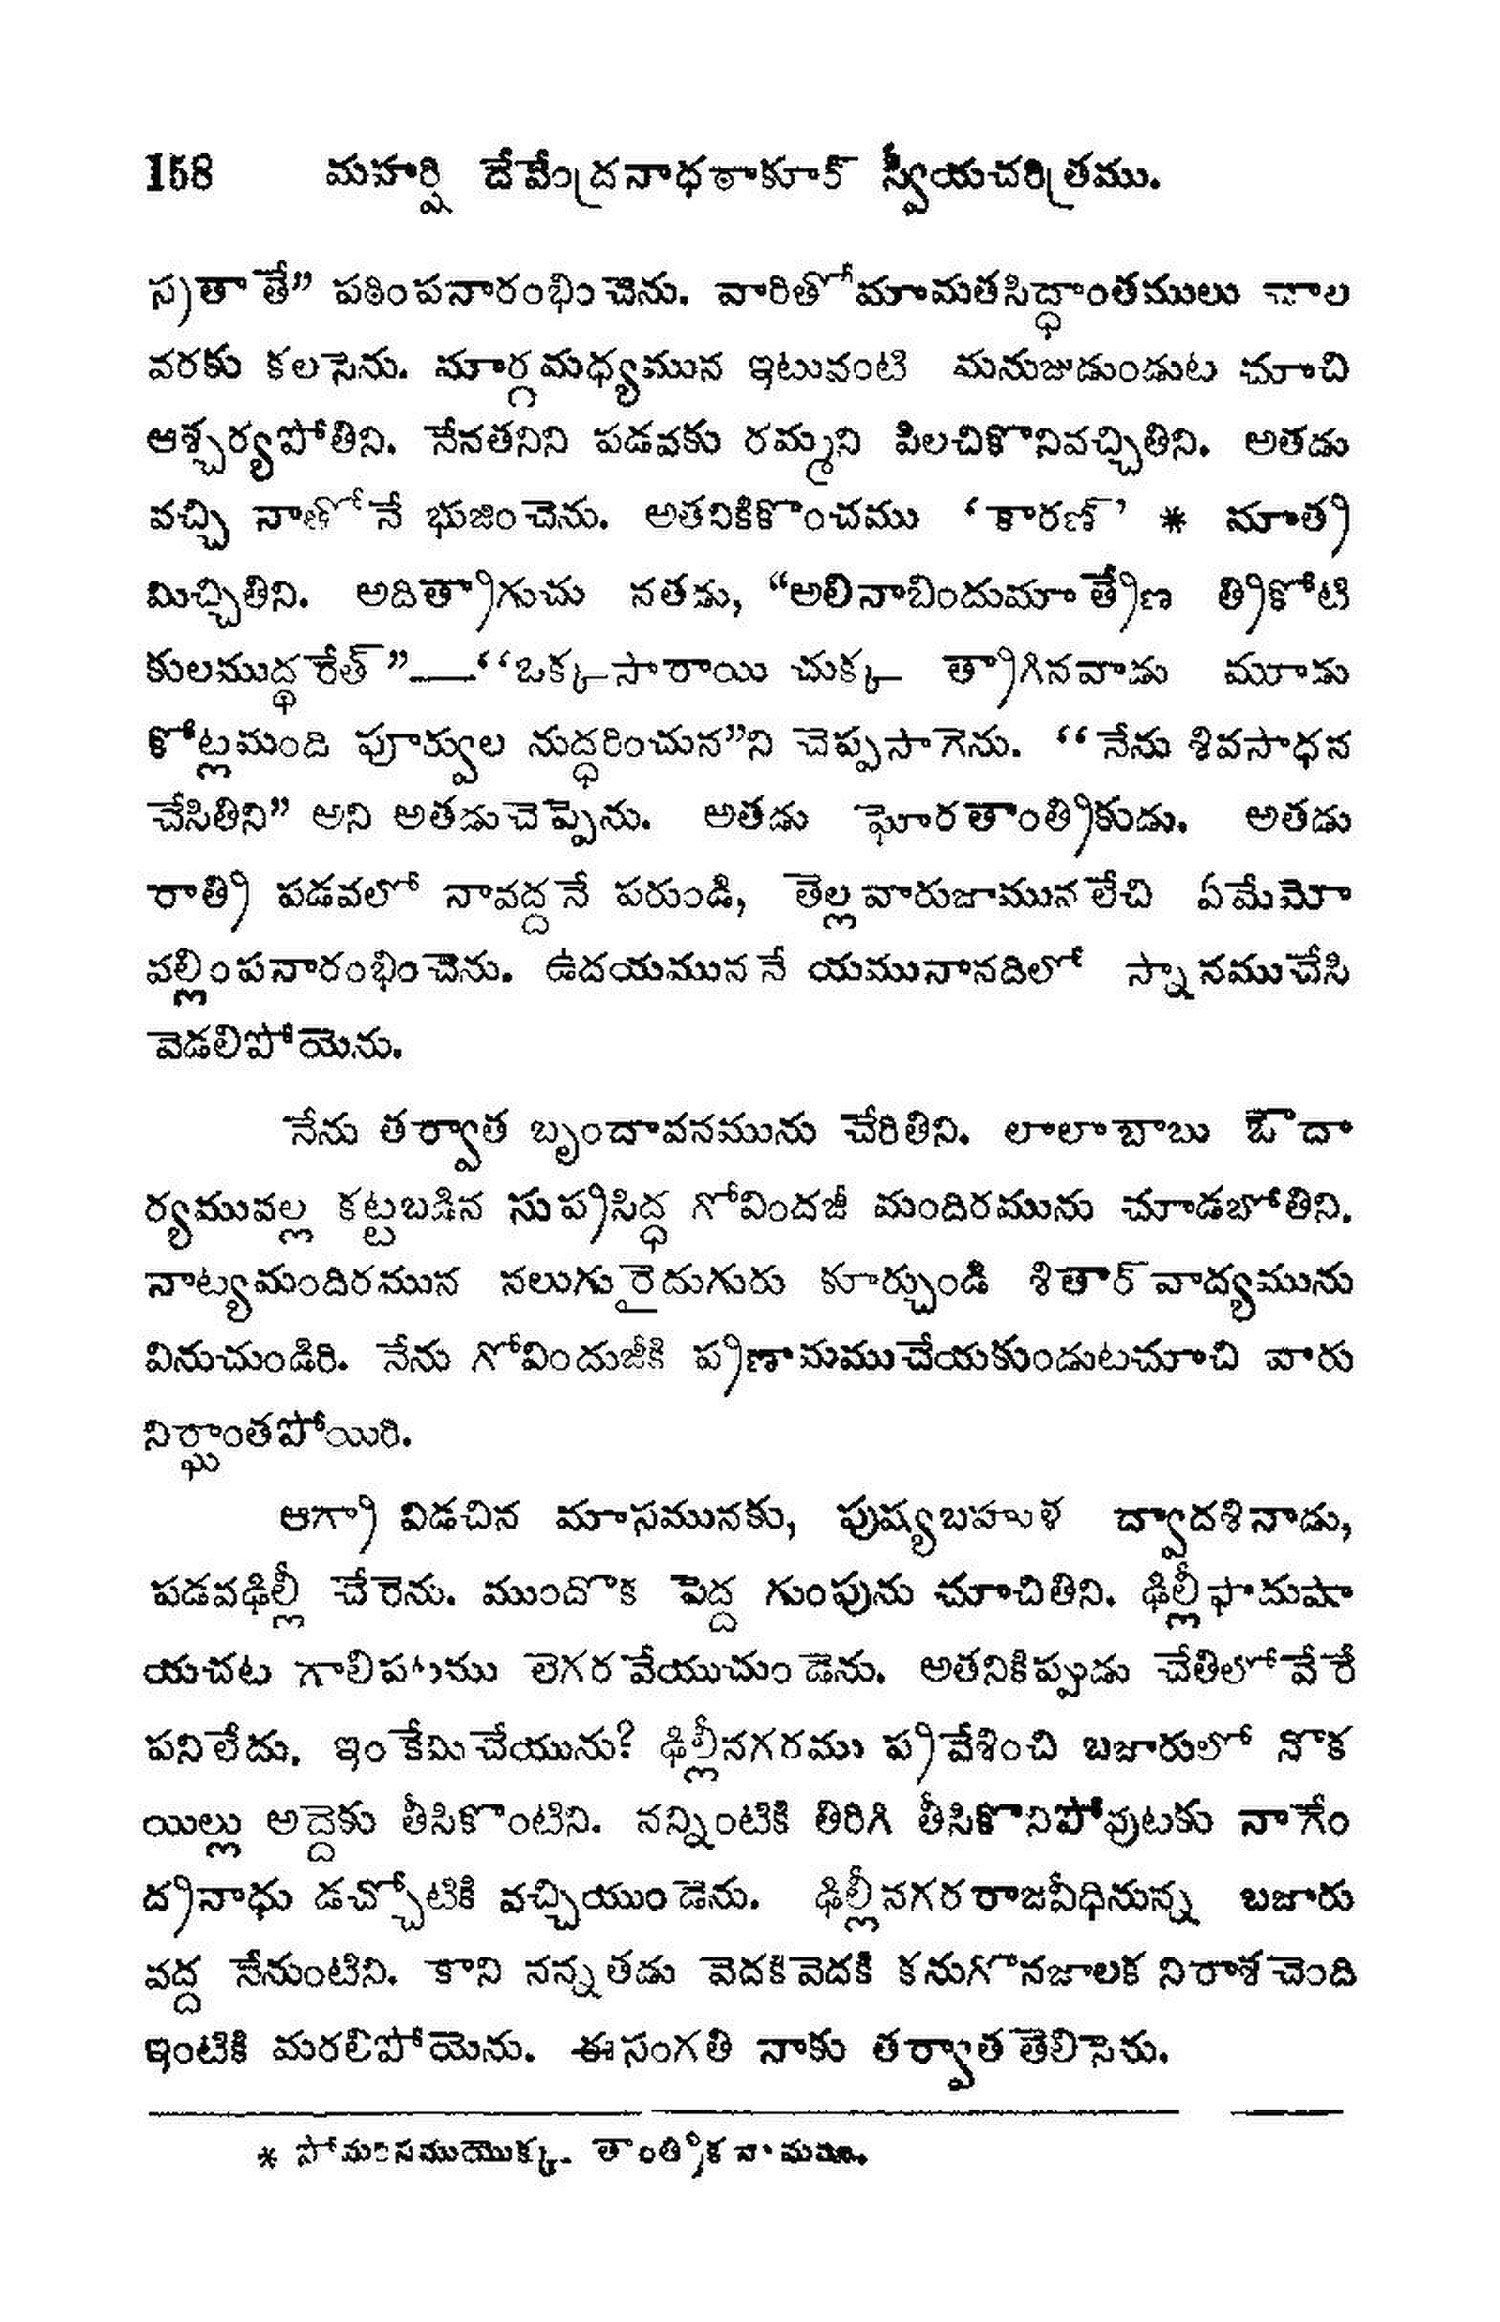158

సుతా తే” పఠింపనారంభించెను. వారితో మామత సిద్ధాంతములు చాల
వరకు కలసెను. మార్గ మధ్యమున ఇటువంటి మనుజుడుండుట చూచి
ఆశ్చర్యపోతిని. నేనతనిని పడవకు రమ్మని పిలచి కొనివచ్చితిని. అతడు
వచ్చి నాతోనే భుజిం చెను. అతనికి కొంచము 'కారణ్' * మాత్రమిచ్చితిని. అది తాగుచు నతడు, “అలినాబిందుమా త్రేణ త్రికోటికులముద్ధ రేత్ ”... ఒక్క సారాయి చుక్క తాగినవాడు మూడుకోట్ల మంది పూర్వుల నుద్ధరించున”ని చెప్పసాగెను. " నేను శివసాధనచేసితిని” అని అతడు చెప్పెను. అతడు 'ఘోర తాంత్రికుడు. అతడు రాత్రి పడవలో నావద్ద నే పరుండి, తెల్ల వారుజామున లేచి ఏమేమో వల్లింపనారంభించెను. ఉదయముననే యమునానదిలో స్నానము చేసి
వెడలి పోయెను.

నేను తర్వాత బృందావనమును చేరి తిని, లాలా బాబు ఔదార్యము వల్ల 
కట్టబడిన సుప్రసిద్ధ గోవిందజీ మందిరమును చూడ బోతిని.నాట్య మందిరమున నలుగురైదుగురు కూర్చుండి శితార్ వాద్యమునువినుచుండిరి. నేను గోవిందుజీకి ప్రణామము చేయకుండుట చూచి వారు నిర్ఘాంతపోయిరి.

ఆగా విడచిన మాసమునకు, పుష్య బహుళ ద్వాదశినాడు,పడవ ఢిల్లీ చే రెను. 
ముందొక పెద్ద గుంపును చూచితిని, ఢిల్లీ పాదుషా యచట గాలిపటము లెగరవేయుచుండెను. అతనికిప్పుడు చేతిలో వేరేపని లేదు. ఇంకేమి చేయును? ఢిల్లీ నగరము ప్రవేశించి బజారులో నొక యిల్లు అద్దెకు తీసికొంటిని. నన్నింటికి తిరిగి తీసికొనిపోవుటకు నాగేంద్రనాధు డచ్చోటికి వచ్చియుం డెను. ఢిల్లీ నగర రాజవీధినున్న బజారు వద్ద నేనుంటిని. కాని నన్నతడు వెదకి వెదకి కనుగొనజాలక నిరాశ చెంది
ఇంటికి మరలిపోయెను. ఈ సంగతి నాకు తర్వాత తెలిసెను.